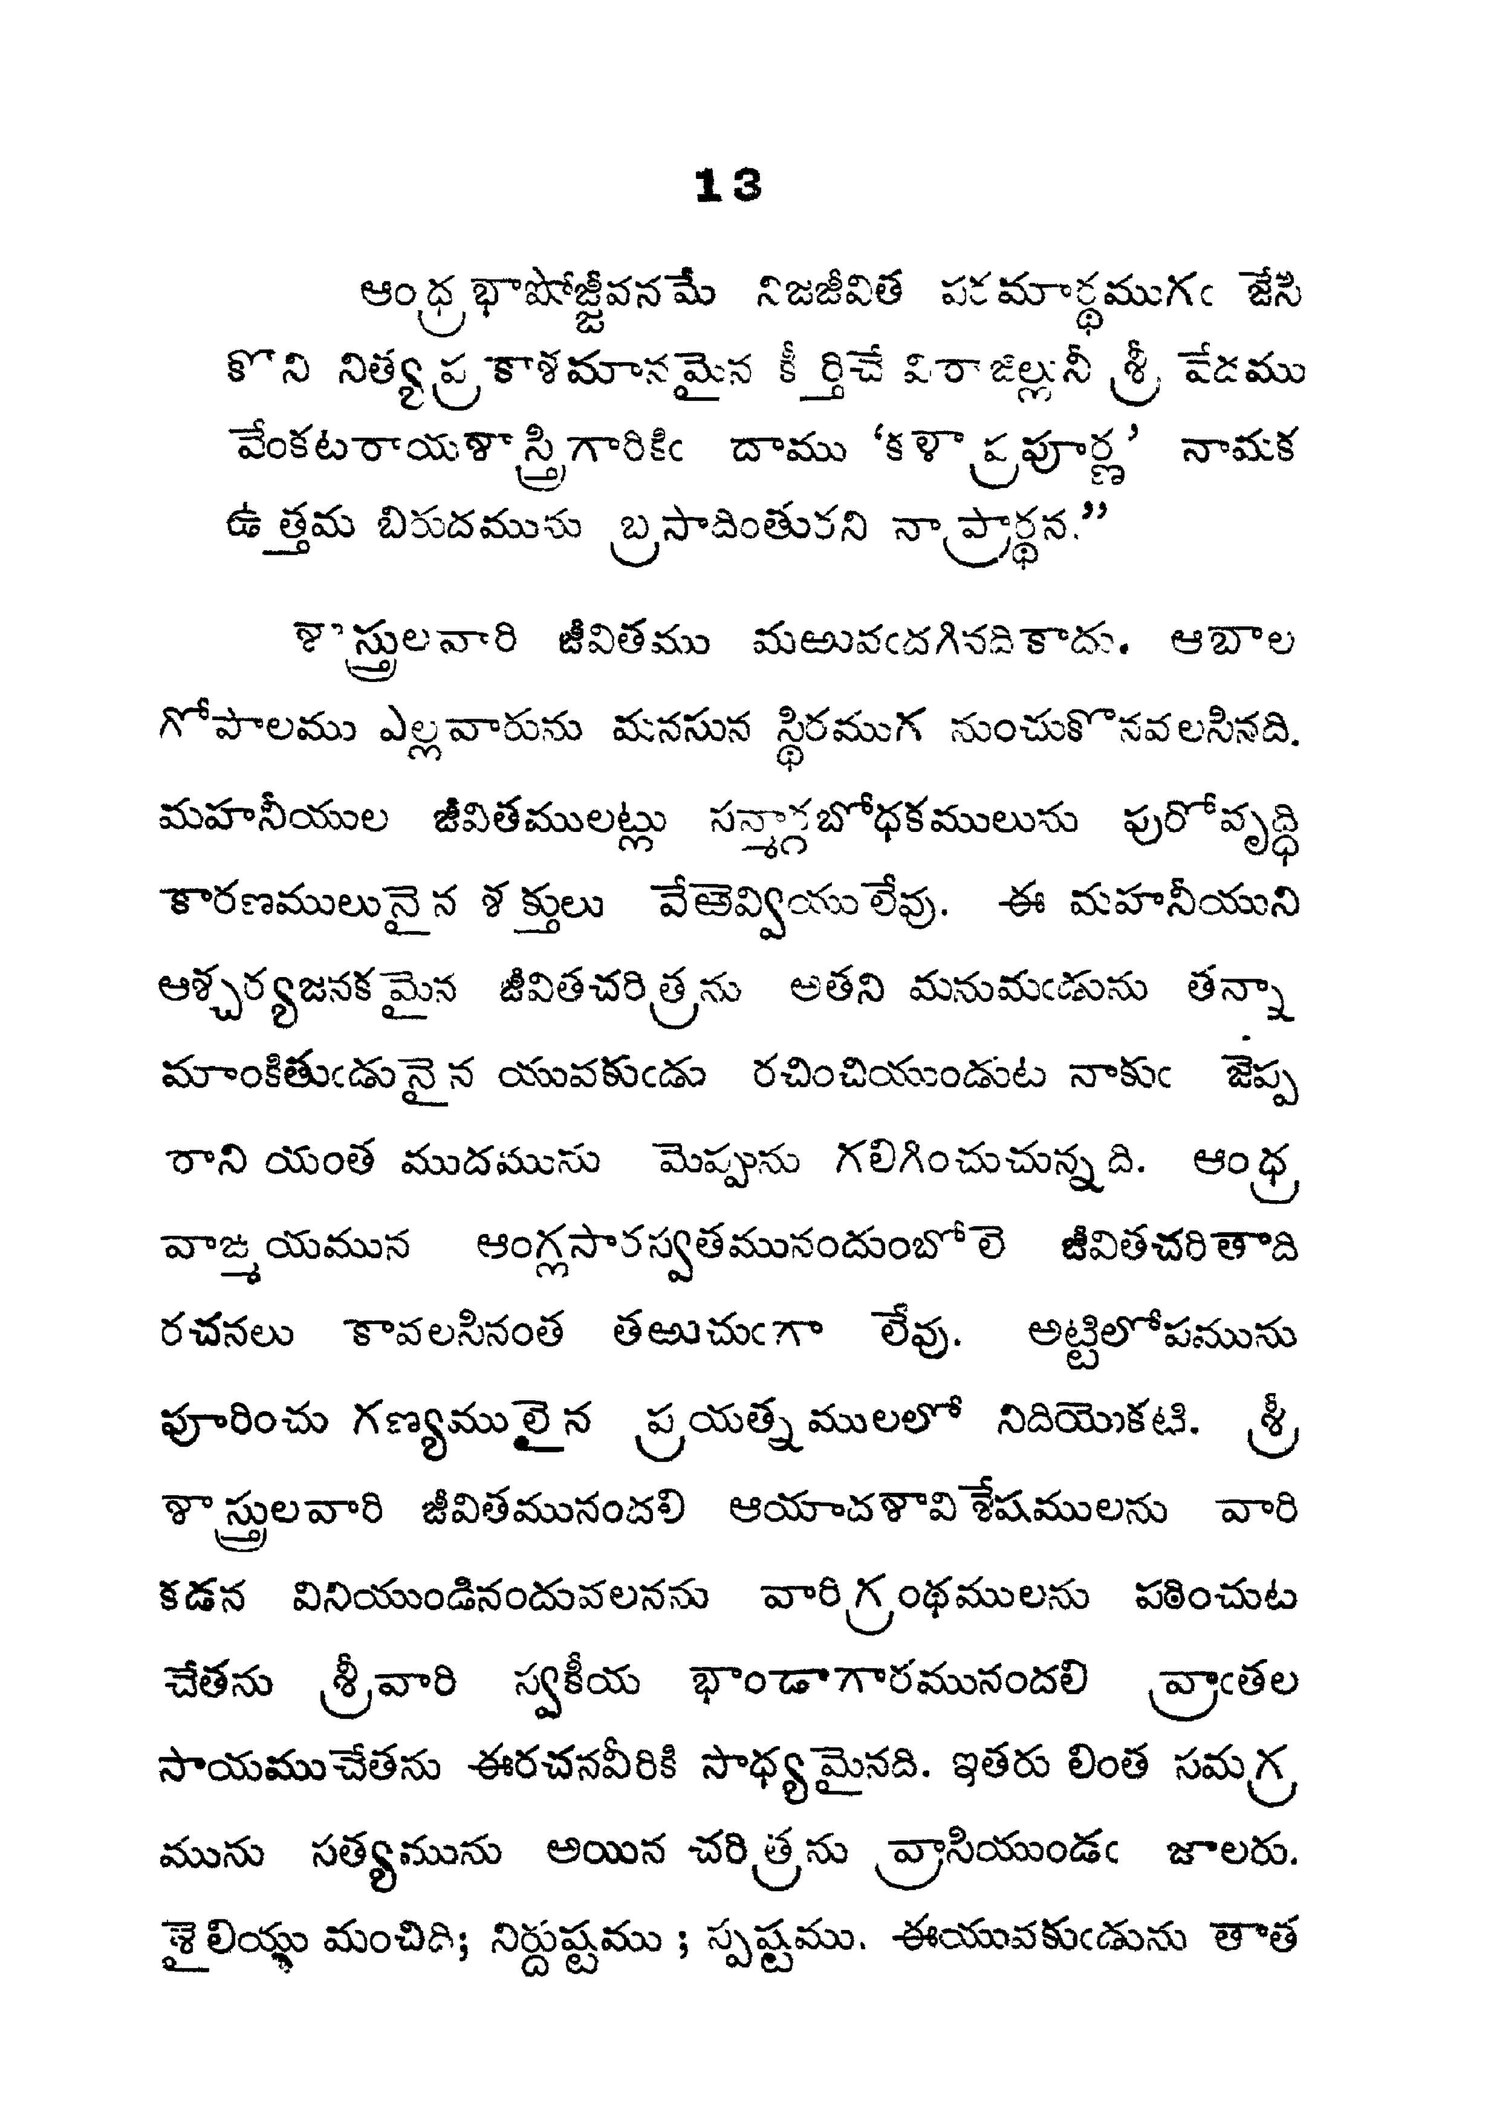ఆంధ్ర భాషోజ్జీవనమే నిజజీవిత పరమార్థముగ జేసికొని నిత్యప్రకాశమానమైన కీర్తిచే విరాజిల్లునీ శ్రీ వేదము వేంకటరాయశాస్త్రిగారికి దాము 'కళాప్రపూర్ణ' నామక ఉత్తమ బిరుదమును బ్రసాదింతురని నాప్రార్థన."

శాస్త్రులవారి జీవితము మఱువదగినదికాదు. ఆబాల గోపాలము ఎల్లవారును మనసున స్థిరముగ నుంచుకొనవలసినది. మహనీయుల జీవితములట్లు సన్మార్గబోధకములును పురోవృద్ధి కారణములునైన శక్తులు వేఱెవ్వియులేవు. ఈ మహనీయుని ఆశ్చర్యజనకమైన జీవితచరిత్రను అతని మనుమడును తన్నామాంకితుడునైన యువకుడు రచించియుండుట నాకు జెప్పరాని యంత ముదమును మెప్పును గలిగించుచున్నది. ఆంధ్రవాఙ్మయమున ఆంగ్లసారస్వతమునందుంబోలె జీవితచరితాది రచనలు కావలసినంత తఱుచుగా లేవు. అట్టిలోపమును పూరించు గణ్యములైన ప్రయత్నములలో నిదియొకటి. శ్రీ శాస్త్రులవారి జీవితమునందలి ఆయాదశావిశేషములను వారికడన వినియుండినందువలనను వారిగ్రంథములను పఠించుట చేతను శ్రీవారి స్వకీయ భాండాగారమునందలి వ్రాతల సాయముచేతను ఈరచనవీరికి సాధ్యమైనది. ఇతరు లింత సమగ్రమును సత్యమును అయిన చరిత్రను వ్రాసియుండ జాలరు. శైలియు మంచిది; నిర్దుష్టము; స్పష్టము. ఈయువకుడును తాత